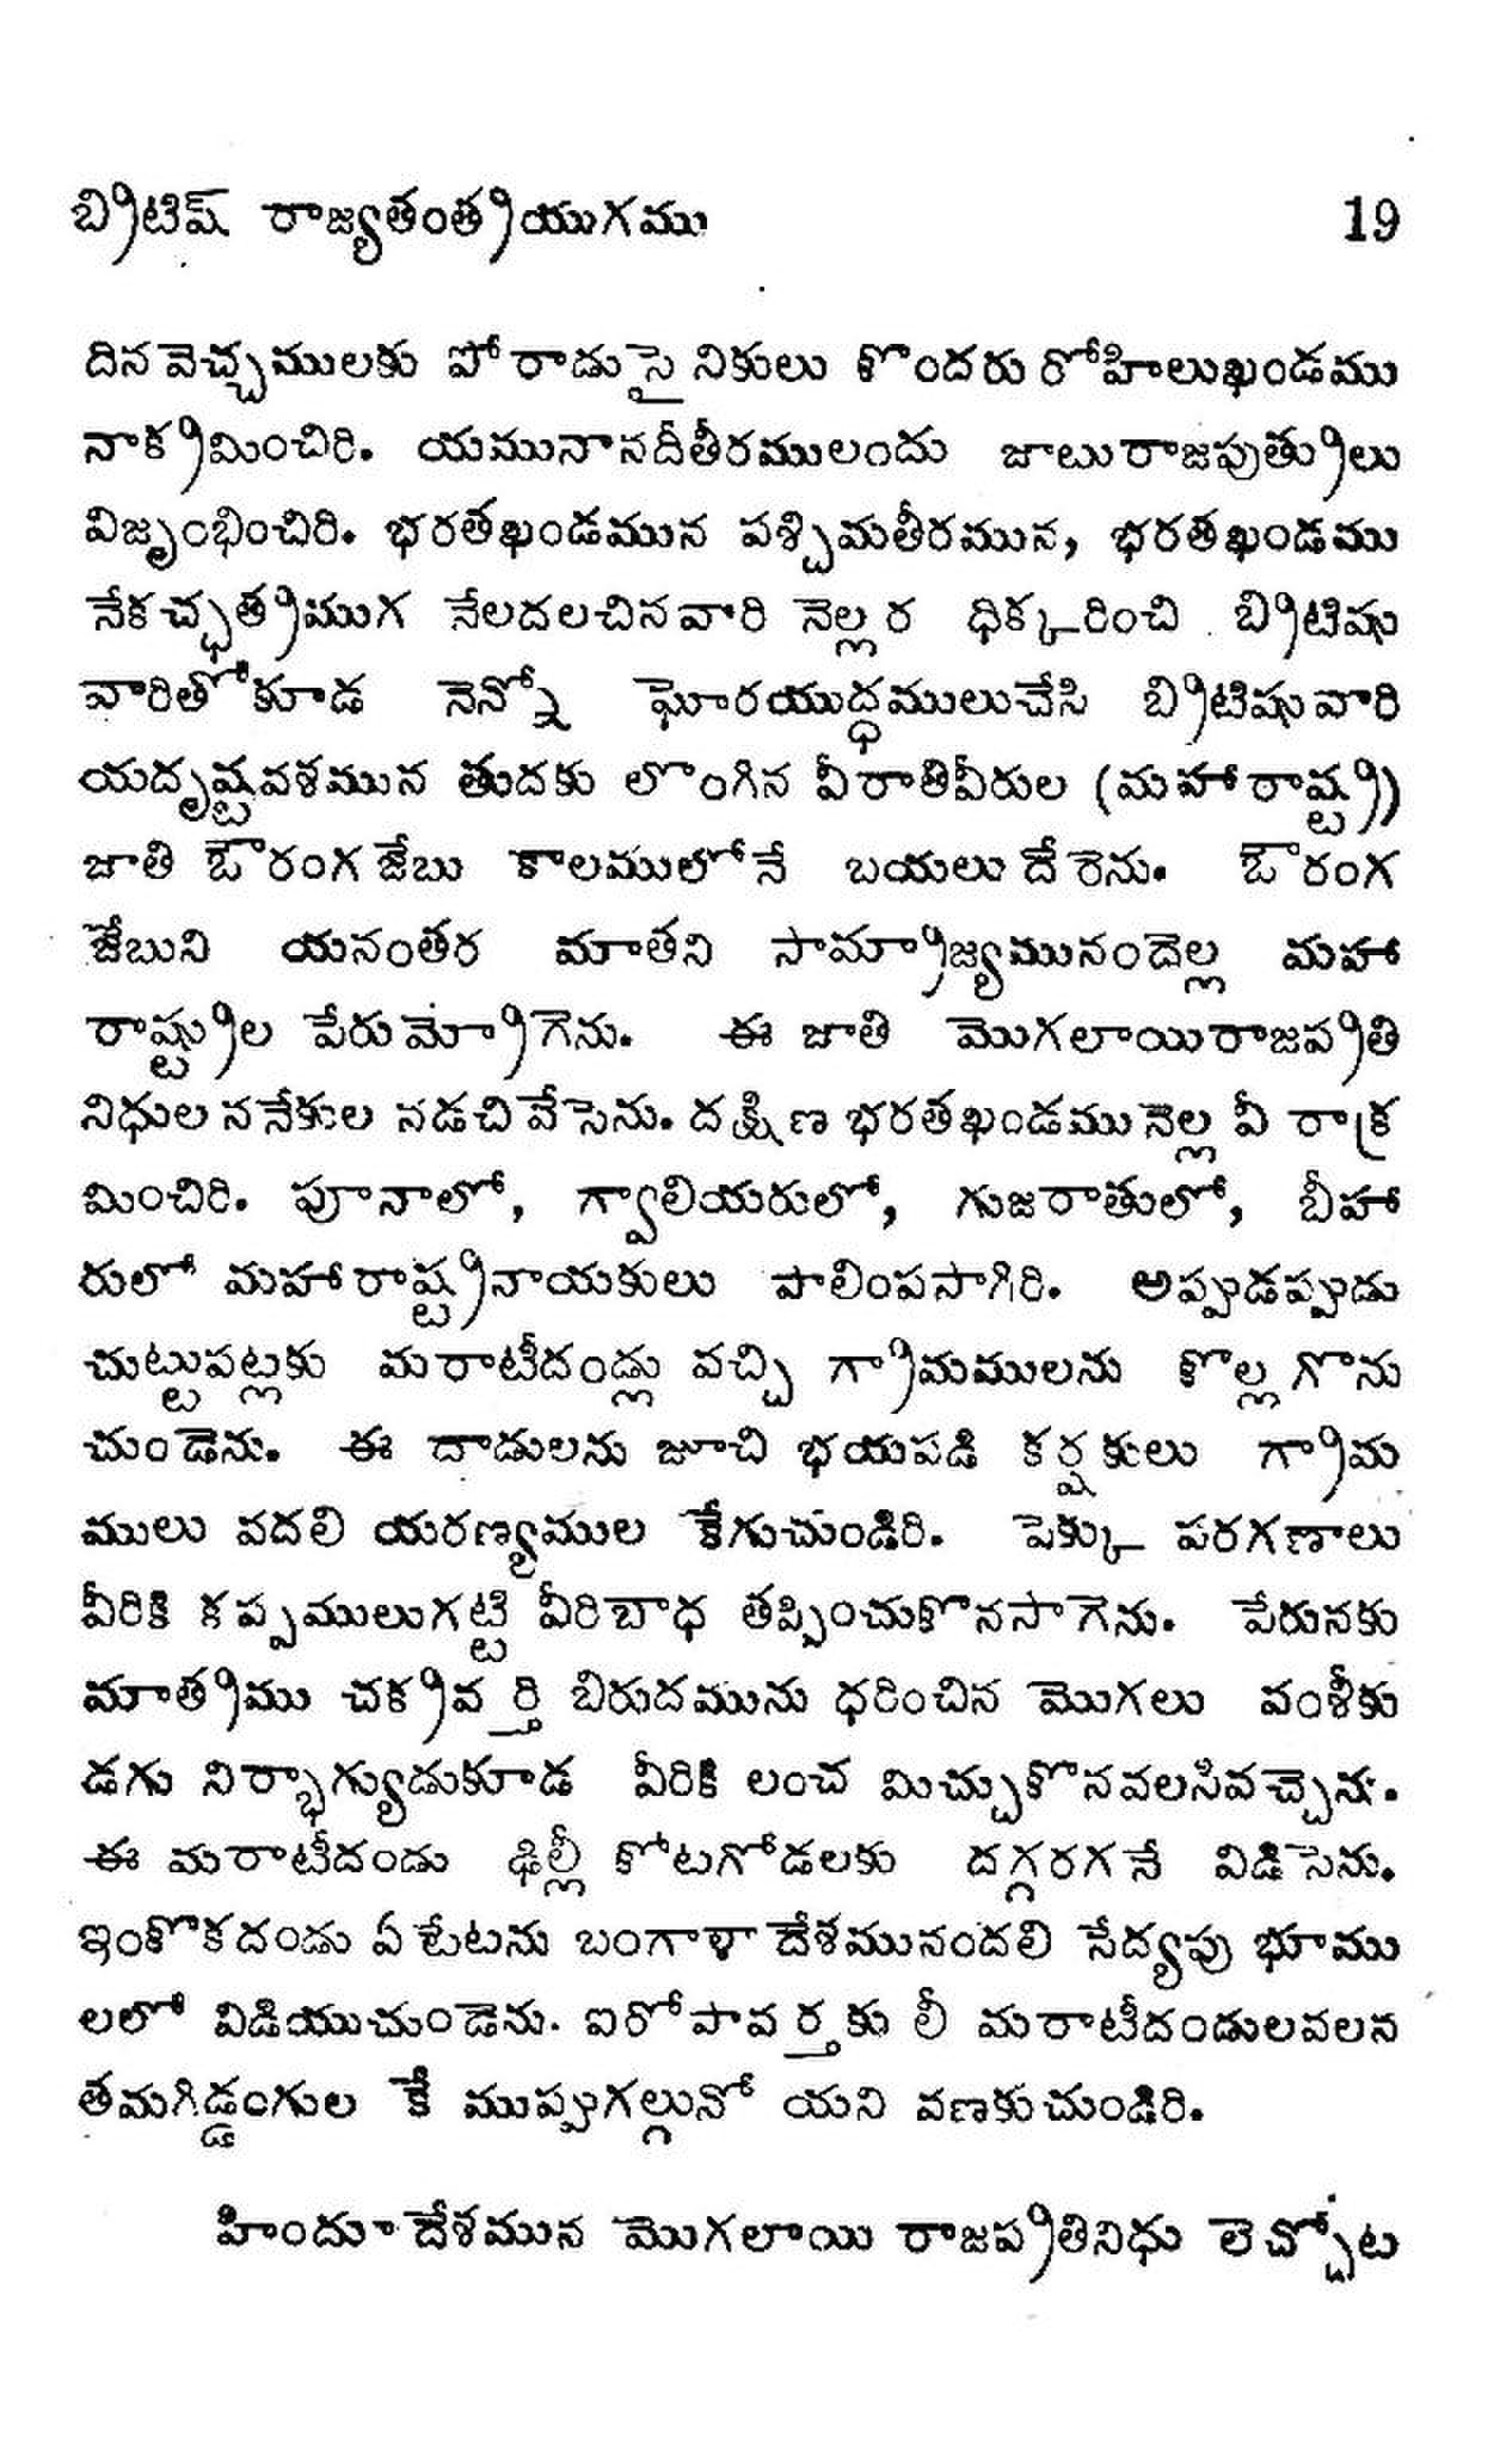దిన వెచ్చములకు పోరాడుసైనికులు కొందరు రోహిలుఖండము నాక్రమించిరి. యమునానదీతీరములందు జాబురాజపుత్రులు విజృంభించిరి. భరతఖండమున పశ్చిమతీరమున, భరతఖండము నేకచ్చత్రముగ నేలదలచినవారి నెల్లర ధిక్కరించి బ్రిటిషువారితోకూడ నెన్నో ఘోరయుద్ధములుచేసి బ్రిటిషువారి యదృష్టవశమున తుదకు లొంగిన వీరాతివీరుల (మహారాష్ట్ర) జాతి ఔరంగజేబు కాలములోనే బయలు దేరెను. ఔరంగజేబుని యనంతర మాతని సామ్రాజ్యమునందెల్ల మహారాష్ట్రుల పేరుమ్రోగెను. ఈ జాతి మొగలాయిరాజప్రతినిధుల ననేకుల నడచివేసెను. దక్షిణ భరతఖండమునెల్ల వీ రాక్రమించిరి. పూనాలో, గ్వాలియరులో, గుజరాతులో, బీహారులో మహారాష్ట్రనాయకులు పాలింపసాగిరి. అప్పుడప్పుడు చుట్టుపట్లకు మరాటీదండ్లు వచ్చి గ్రామములను కొల్లగొనుచుండెను. ఈ దాడులను జూచి భయపడి కర్షకులు గ్రామములు వదలి యరణ్యముల కేగుచుండిరి. పెక్కు పరగణాలు వీరికి కప్పములుగట్టి వీరిబాధ తప్పించుకొనసాగెను. పేరునకు మాత్రము చక్రవర్తి బిరుదమును ధరించిన మొగలు వంశీకుడగు నిర్భాగ్యుడుకూడ వీరికి లంచ మిచ్చుకొనవలసివచ్చెను. ఈ మరాటీదండు ఢిల్లీ కోటగోడలకు దగ్గరగనే విడిసెను. ఇంకొకదండు ఏటేటను బంగాళాదేశమునందలి సేద్యపు భూములలో విడియుచుండెను. ఐరోపావర్తకు లీ మరాటీదండులవలన తమగిడ్డంగుల కే ముప్పుగల్గునో యని వణకుచుండిరి.

హిందుదేశమున మొగలాయి రాజప్రతినిధు లెచ్చోట